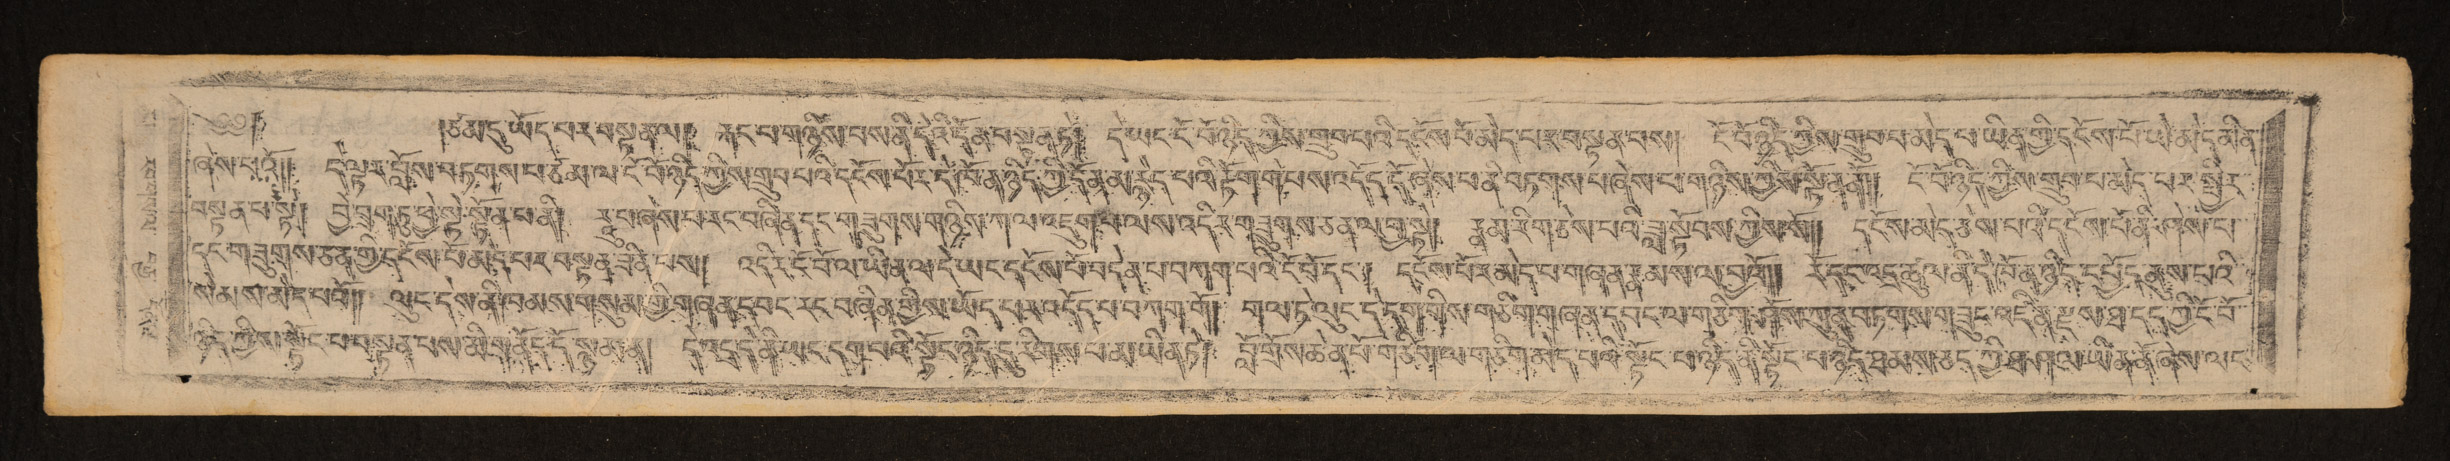༄༅། །ཙམ་དུ་ཡོད་པར་བསྟན་ལ། རྐང་པ་གཉིས་པས་ནི་དེའི་དོན་བསྟན་ཏེ། དེ་ཡང་ངོ་བོ་ཉིད་ཀྱིས་གྲུབ་པའི་དངོས་པོ་མེད་པར་བསྟན་པས། ངོ་བོ་ཉིད་ཀྱིས་གྲུབ་པ་མེད་པ་ཡིན་གྱི་དངོས་པོ་ཡེ་མེད་མིན་
ཞེས་པའོ།། དེ་ལྟར་བློས་བཏགས་པ་ཙམ་ལ་ངོ་བོ་ཉིད་ཀྱིས་གྲུབ་པའི་དངོས་པོར་དེ་ཁོ་ན་ཉིད་ཀྱི་དོན་མ་རྙེད་པའི་རྟོག་གེ་པས་འདོད་དོ་ཞེས་པ་ནི་བཏགས་པ་ཞེས་པ་གཉིས་ཀྱིས་སྟོན་ནོ།། ངོ་བོ་ཉིད་ཀྱིས་གྲུབ་པ་མེད་པར་སྤྱིར་
བསྟན་པ་སྟེ། བྱེ་བྲག་ཏུ་ཕྱེ་སྟེ་སྟོན་པ་ནི། རཱུ་པ་ཞེས་པ་རང་བཞིན་དང་གཟུགས་གཉིས་ཀ་ལ་འཇུག་པ་ལས་འདིར་གཟུགས་ཅན་ལ་བྱ་སྟེ། རྣམ་རིག་ཅེས་པའི་ཟླ་སྟོབས་ཀྱིས་སོ།། དངོས་མེད་ཅེས་པའི་དངོས་པོ་ནི་ཤེས་པ་
དང་གཟུགས་ཅན་གྱི་དངོས་པོ་མེད་པར་བསྟན་ཟིན་པས། འདིར་ངོ་བོ་ལ་ཡིན་ལ་དེ་ཡང་དངོས་པོ་བདེན་པ་བཀག་པའི་ངོ་བོ་དང་། དངོས་པོར་མེད་པ་གཞན་རྣམས་ལ་བྱའོ།། རོ་དང་འདྲ་ཚུལ་ནི་དེ་ཁོ་ན་ཉིད་དཔྱོད་ནུས་པའི་
སེམས་མེད་པའོ།། ལུང་དེས་ནི་ཁམས་གསུམ་གྱི་གཞན་དབང་རང་བཞིན་གྱིས་ཡོད་པར་འདོད་པ་བཀག་གོ། གལ་ཏེ་ལུང་དེ་དག་གིས་གཅིག་གཞན་དབང་ལ་གཅིག་ཤོས་ཀུན་བརྟགས་གཟུང་འཛིན་རྫས་ཐ་དད་ཀྱི་ངོ་བོ་
ཉིད་ཀྱིས་སྟོང་པ་བསྟན་པས་མི་གནོད་དོ་སྙམ་ན། དེ་འདྲ་དེ་ནི་ཡང་དག་པའི་སྟོང་ཉིད་དུ་རིགས་པ་མ་ཡིན་ཏེ། བློ་གྲོས་ཆེན་པོ་གཅིག་ལ་གཅིག་མེད་པའི་སྟོང་པ་ཉིད་ནི་སྟོང་པ་ཉིད་ཐམས་ཅད་ཀྱི་ཐ་ཤལ་ཡིན་ནོ་ཞེས་ལང་